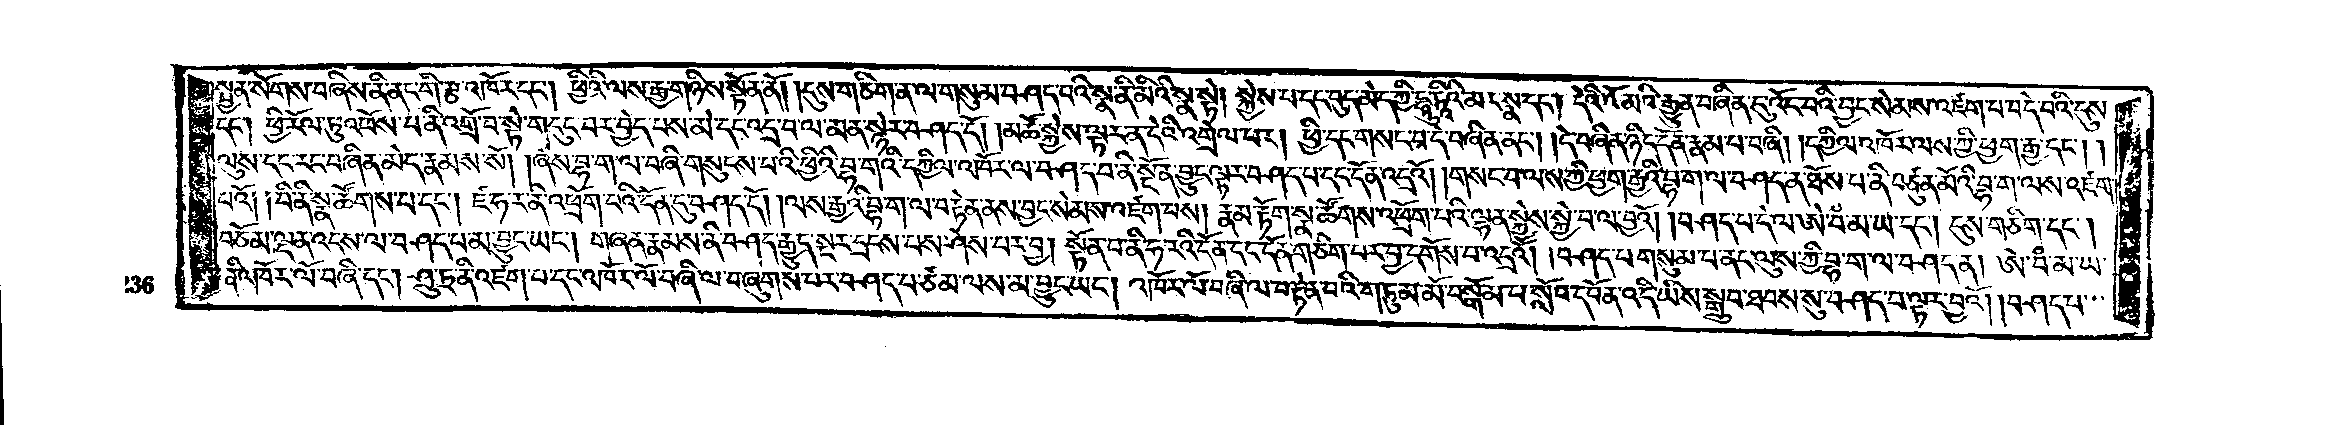སྤྱན་སོགས་བཞིས་ནི་ནང་གི་རྩ་འཁོར་དང་། ཕྱིའི་ལས་རྒྱ་གཉིས་སྟོན་ནོ། །དུས་གཅིག་ན་ལ་གསུམ་བཤད་པའི་སྣ་ནི་མིའི་སྣ་སྟེ། སྐྱེས་པ་དང་བུད་མེད་ཀྱི་དྷཱུ་ཏཱིའི་མར་སྣ་དང་། དེའི་འོ་མའི་རྒྱུན་བཞིན་དུ་འོང་བའི་བྱང་སེམས་འཛག་པ་བདེ་བའི་དུས་
དང་། ཕྱི་རོལ་ཏུ་འཕོས་པ་ནི་འགྲོ་བ་སྟེ་གདུང་བར་བྱེད་པས་མེ་དང་འདྲ་བ་ལ་མན་སྙེར་བཤད་དོ། །མཚོ་སྐྱེས་ལྟར་ན་དེའི་འགྲེལ་པར། ཕྱི་དང་གསང་བ་དེ་བཞིན་ནང་། །དེ་བཞིན་ཉིད་དོན་རྣམ་པ་བཞི། །དཀྱིལ་འཁོར་ལས་ཀྱི་ཕྱག་རྒྱ་དང་། །
ལུས་དང་རང་བཞིན་མེད་རྣམས་སོ། །ཞེས་བྷ་ག་ལ་བཞི་གསུངས་པའི་ཕྱིའི་བྷ་གའི་དཀྱིལ་འཁོར་ལ་བཤད་པ་ནི་སྔོན་བྱུང་ལྟར་བཤད་པ་དང་དོན་འདྲའོ། །གསང་བ་ལས་ཀྱི་ཕྱག་རྒྱའི་བྷ་ག་ལ་བཤད་ན་ཐོས་པ་ནི་བཙུན་མོའི་བྷ་ག་ལས་འཛག་
པའོ། །བི་ནི་སྣ་ཚོགས་པ་དང་། ཛ་ཧ་ར་ནི་འཕྲོག་པའི་དོན་དུ་བཤད་དོ། །ལས་རྒྱའི་བྷ་ག་ལ་བརྟེན་ནས་བྱང་སེམས་འཛག་པས། རྣམ་རྟོག་སྣ་ཚོགས་འཕྲོག་པའི་ལྷན་སྐྱེས་སྐྱེ་བ་ལ་བྱའོ། །བཤད་པ་དེ་ལ་ཨེ་བཾ་མ་ཡ་དང་། དུས་གཅིག་དང་།
བཅོམ་ལྡན་འདས་ལ་བཤད་པ་མ་བྱུང་ཡང་། གཞན་རྣམས་ནི་བཤད་རྒྱུད་སྔར་དྲངས་པས་ཤེས་པར་བྱ། སྟོན་པ་ནི་ཧ་རའི་དོན་དང་དོན་གཅིག་པར་བྱ་དགོས་པ་འདྲའོ། །བཤད་པ་གསུམ་པ་ནང་ལུས་ཀྱི་བྷ་ག་ལ་བཤད་ན། ཨེ་བཾ་མ་ཡ་
ནི་འཁོར་ལོ་བཞི་དང་། ཤྲུ་ཏྲ་ནི་འཛག་པ་དང་འཁོར་ལོ་བཞི་ལ་བཞུགས་པར་བཤད་པ་ཙམ་ལས་མ་བྱུང་ཡང་། འཁོར་ལོ་བཞི་ལ་བརྟེན་པའི་གཏུམ་མོ་བསྒོམ་པ་སློབ་དཔོན་འདི་ཡིས་སྒྲུབ་ཐབས་སུ་བཤད་པ་ལྟར་བྱའོ། །བཤད་པ་